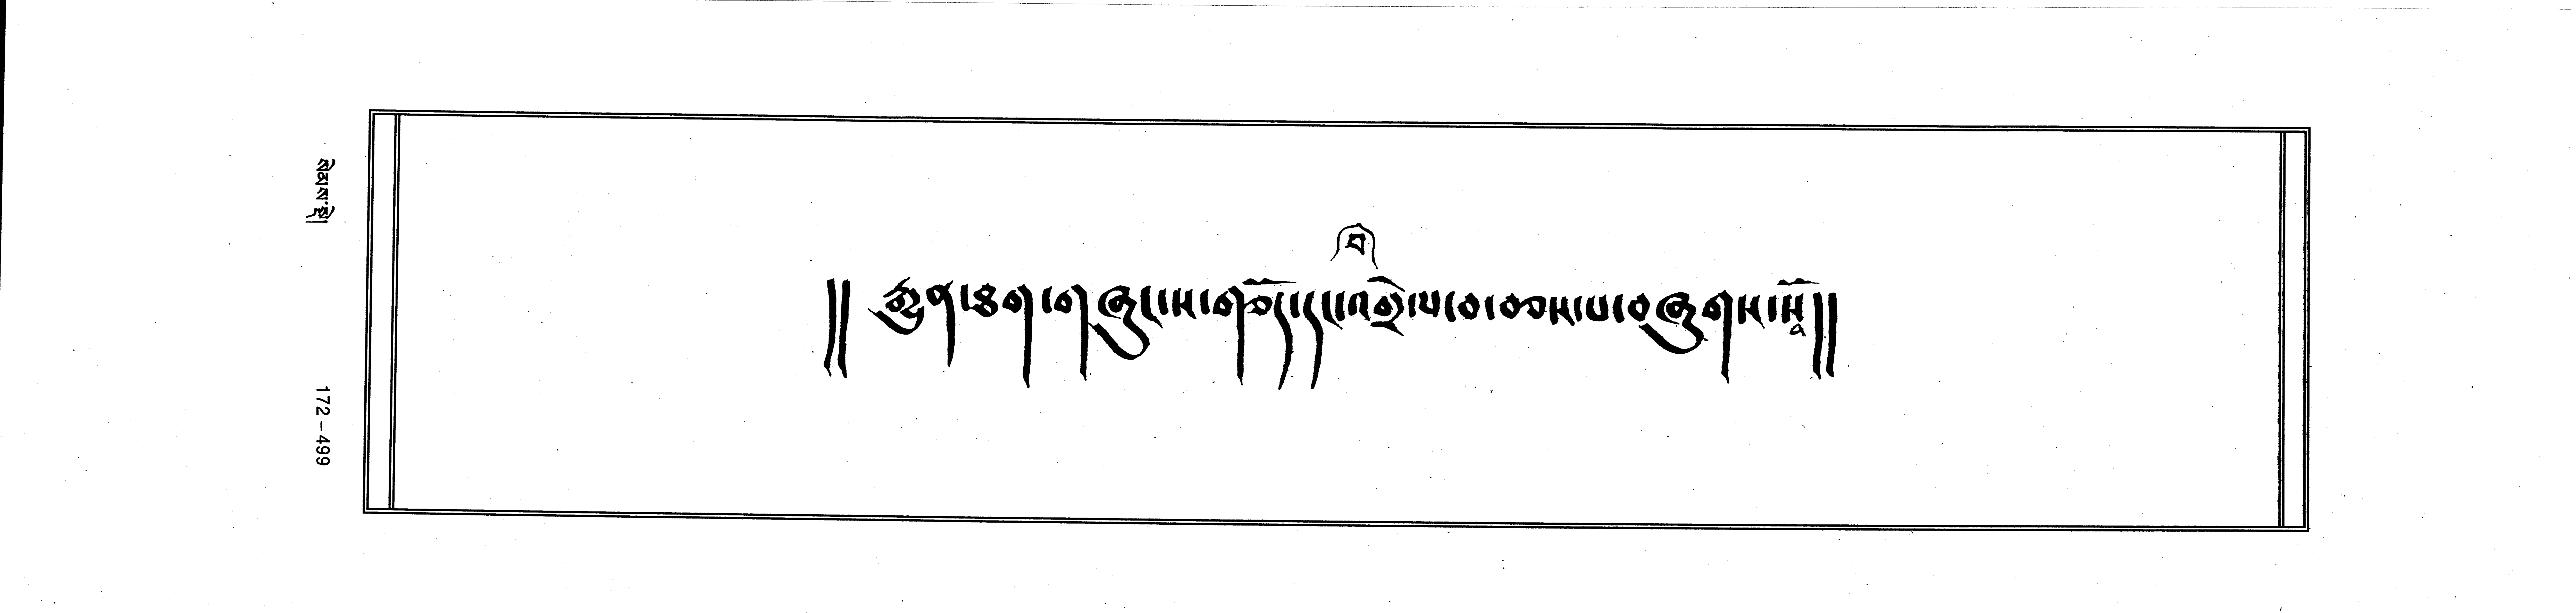།།རྒྱུན་ཐག་གཞུང་ས་གཅོད་དང་འགྲེལ་བ་བཅས་པ་བཞུགས་སྭོ།།